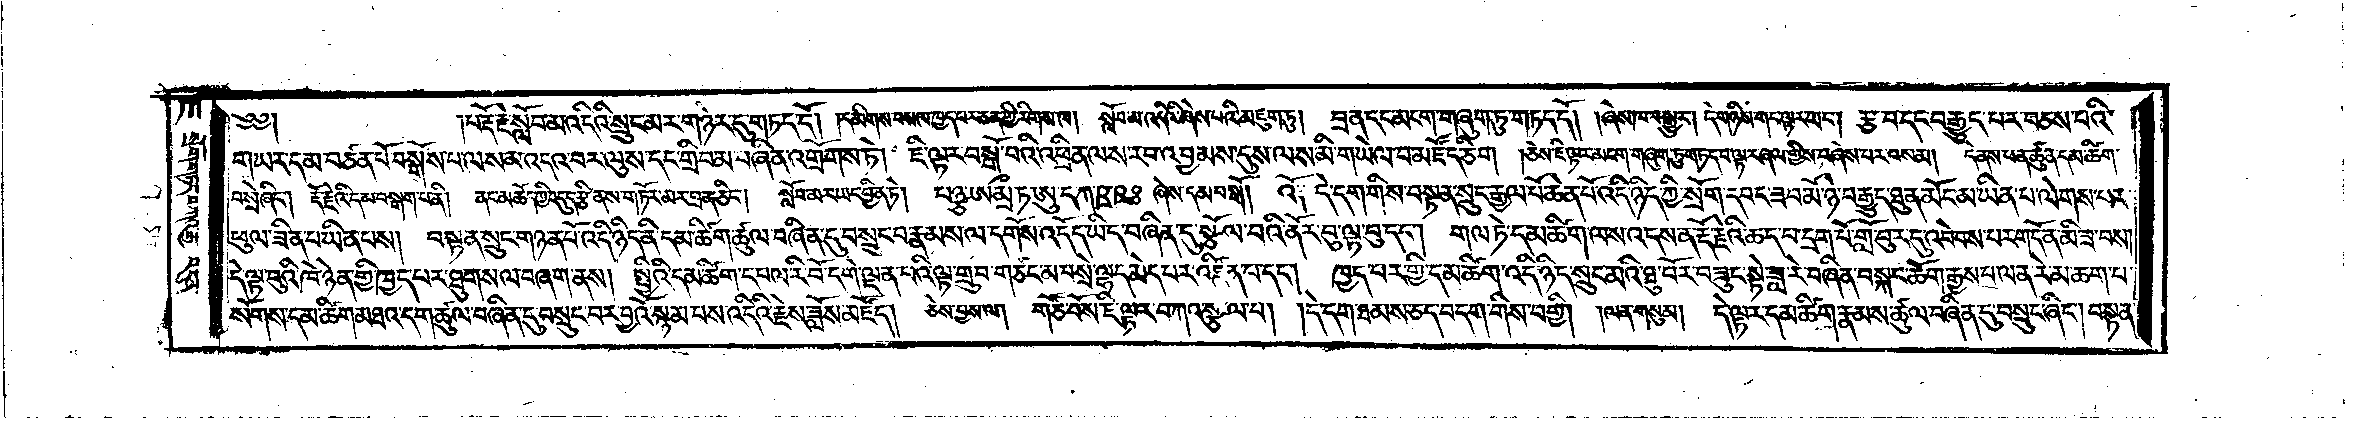༄༅། །པ་རྡོ་རྗེ་སློབ་མ་འདིའི་སྲུང་མར་གཉེར་དུ་གཏད་དོ། །དམིགས་བསལ་ཁྱད་པར་ཅན་གྱི་རིགས་ལ། སློབ་མ་འདིའི་ཞེས་པའི་མཇུག་ཏུ།  བྲན་དང་མངག་གཞུག་ཏུ་གཏད་དོ། །ཞེས་ཁ་བསྒྱུར། དེ་གཉིས་གང་ལྟར་ཡང་།  རྩ་བ་དང་བརྒྱུད་པར་བཅས་པའི་
གཡར་དམ་བཙན་པོ་བསྒོས་པ་ལས་མ་འདའ་བར་ལུས་དང་གྲིབ་མ་བཞིན་འགྲོགས་ཏེ། ཇི་ལྟར་བསྒོ་བའི་འཕྲིན་ལས་རབ་འབྱམས་དུས་ལས་མི་གཡེལ་པ་མཛོད་ཅིག །ཅེས་ཇི་ལྟར་མངག་གཞུག་ཏུ་གཏད་པ་ལྟར་ཞལ་གྱིས་བཞེས་པར་བསམ། དེ་ནས་ཕན་ཚུན་དམ་ཚིག་
བསྲེ་ཞིང་། རྡོ་རྗེའི་དམ་བསྒག་པ་ནི། ནང་མཆོད་ཀྱི་བདུད་རྩི་ནས་གཏོར་མར་བྲན་ཅིང་། སློབ་མར་ཡང་བྱིན་ཏེ། པཉྩ་ཨ་མྲྀ་ཏ་ཨུ་ད་ཀ་ཊཿཨ་ཊཿཨཿ ཞེས་དམ་བསྒོ། འོ༑ དེ་དག་གིས་བསྟན་སྲུང་རྒྱལ་པོ་ཆེན་པོ་འདི་ཉིད་ཀྱི་སྲོག་དབང་ཟབ་མོ་ཉེ་བརྒྱུད་ཐུན་མོང་མ་ཡིན་པ་ལེགས་པར་
ཕུལ་ཟིན་པ་ཡིན་པས། བསྟན་སྲུང་གཉན་པོ་འདི་ཉིད་ནི་དམ་ཚིག་ཚུལ་བཞིན་དུ་བསྲུང་བ་རྣམས་ལ་དགོས་འདོད་ཡིད་བཞིན་དུ་སྩོལ་བའི་ནོར་བུ་ལྟ་བུ་དང་། གལ་ཏེ་དམ་ཚིག་ལས་འདས་ན་རྡོ་རྗེའི་ཆད་པ་དྲག་པོ་གློ་བུར་དུ་འབེབས་པར་གདོན་མི་ཟ་བས།
དེ་ལྟ་བུའི་ཁེ་ཉེན་གྱི་ཁྱད་པར་ཐུགས་ལ་བཞག་ནས། སྤྱིའི་དམ་ཚིག་དཔལ་རི་བོ་དགེ་ལྡན་པའི་ལྟ་གྲུབ་གཙང་མ་བསྲེ་ལྷད་མེད་པར་འཛིན་པ་དང་། ཁྱད་པར་གྱི་དམ་ཚིག་འདི་ཉིད་སྲུང་མའི་ཐུ་བོར་བཟུང་སྟེ་ཟླ་རེ་བཞིན་བསྐང་ཆོག་རྒྱས་བ་ལན་རེ་མ་ཆག་པ་
སོགས་དམ་ཚིག་མཐའ་དག་ཚུལ་བཞིན་དུ་བསྲུང་བར་བྱའོ་སྙམ་པས་འདིའི་རྗེས་ཟློས་མཛོད། ཅེས་བྱས་ལ།  གཙོ་བོས་ཇི་ལྟར་བཀའ་སྩལ་བ། དེ་དག་ཐམས་ཅད་བདག་གིས་བགྱི། །ལན་གསུམ།  དེ་ལྟར་དམ་ཚིག་རྣམས་ཚུལ་བཞིན་དུ་བསྲུང་ཞིང་། བསྟན་